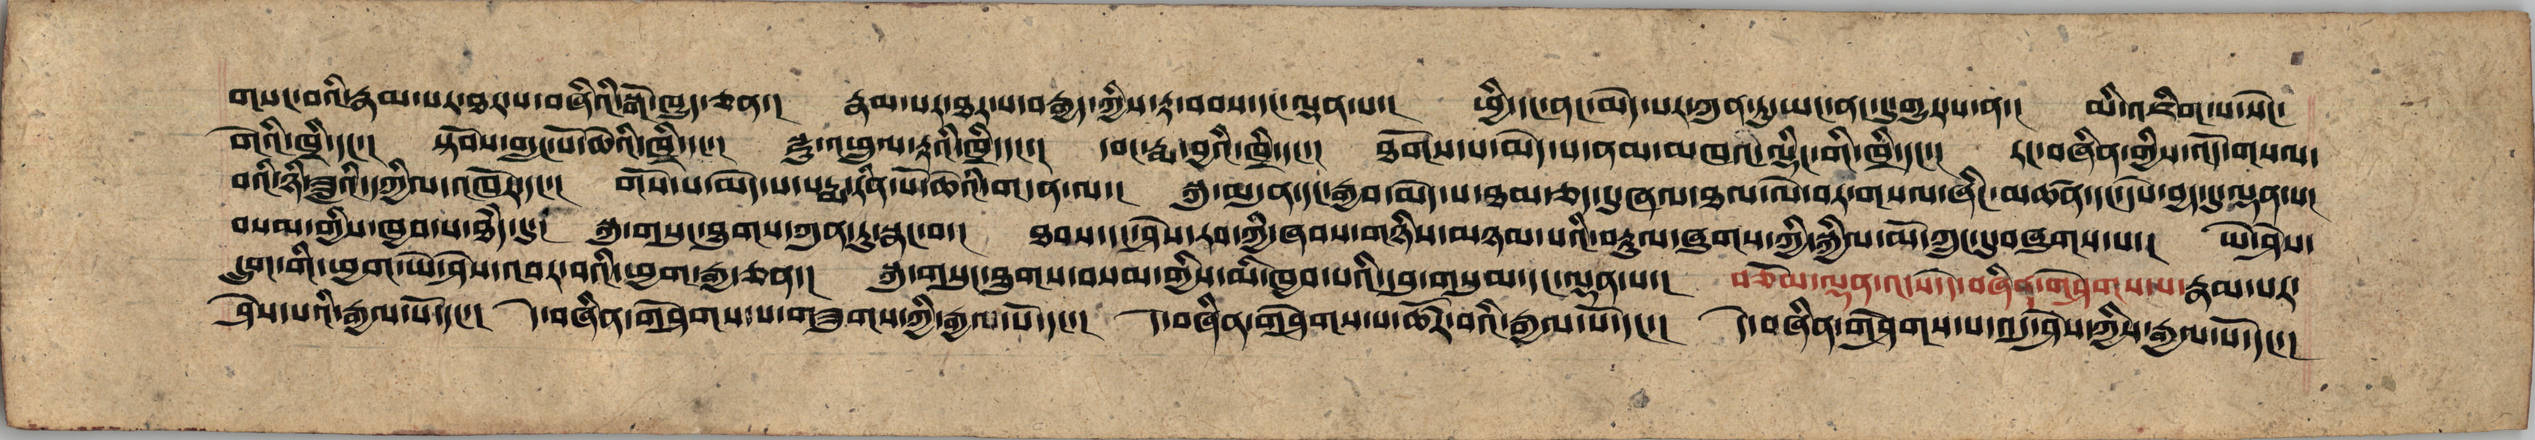གསང་བའི་རྣམ་པར་ཐར་པ་བཞིའི་སྒོ་ཁྱུད་ཅན་། རྣམ་པར་ཐར་པ་བརྒྱད་ཀྱིས་རྟ་བབས་དང་ལྡན་པ་། ཕྱི་དང་ནང་མེད་པར་ཀུན་ཏུ་ཡང་ནང་དུ་གྱུར་པ་ན་། མི་འཇིག་པ་སེང་
གེའི་ཁྲི་དང་། སྟོབས་གླང་པོ་ཆེའི་ཁྲི་དང་། སྫུ་འཕྲུལ་རྟའི་ཁྲི་དང་། དབང་རྨ་བྱའི་ཁྲི་དང་། ཐོགས་པ་མེད་པ་ནམ་མཁའ་ལྡིང་གི་ཁྲི་དང་། རང་བཞིན་གྱིས་འོད་གསལ་
བའི་ཉི་ཟླའི་དཀྱིལ་འཁོར་དང་། གོས་པ་མེད་པ་པདྨ་རིན་པོ་ཆེའི་གདན་ལ་། སྐུ་མདུན་དང་རྒྱབ་མེད་པ་ཐམ་ཅད་དུ་ཞལ་ཐལ་ལེ་བར་གསལ་ཞིང་མཚན་དང་དཔེ་བྱད་དུ་ལྡན་པ།
བསམ་གྱིས་ཁྱབ་པ་ཐཾད་དུ་། སྐུ་གསུང་ཐུགས་ཀུན་ཏུ་སྣང་བ་། ཐབས་དང་ཤེས་རབ་ཀྱི་ཞབས་གཉིས་མཉམ་པའི་བརྟུལ་ཞུགས་ཀྱི་སྐྱིལ་མོ་ཀྲུང་དུ་བཞུགས་པ་། ཡེ་ཤེས་
དྲུག་གི་ཕྱག་ཡེ་ཤེས་འབར་བའི་ཕྱག་རྒྱ་ཅན་། སྐུ་གསུང་ཐུགས་བསམ་གྱིས་མི་ཁྱབ་པའི་དབུ་གསུམ་དང་ལྡན་པ་། བཅོམ་ལྡན་འདས་དེ་བཞིན་གཤེགས་པ་རྣམ་པར་
ཤེས་པའི་རྒྱལ་པོ་དང་། དེ་བཞིན་གཤེགས་པ་གཟུགས་ཀྱི་རྒྱལ་པོ་དང་། དེ་བཞིན་གཤེགས་པ་ཚོར་བའི་རྒྱལ་པོ་དང་། དེ་བཞིན་གཤེགས་པ་འདུ་ཤེས་ཀྱིས་རྒྱལ་པོ་དང་།